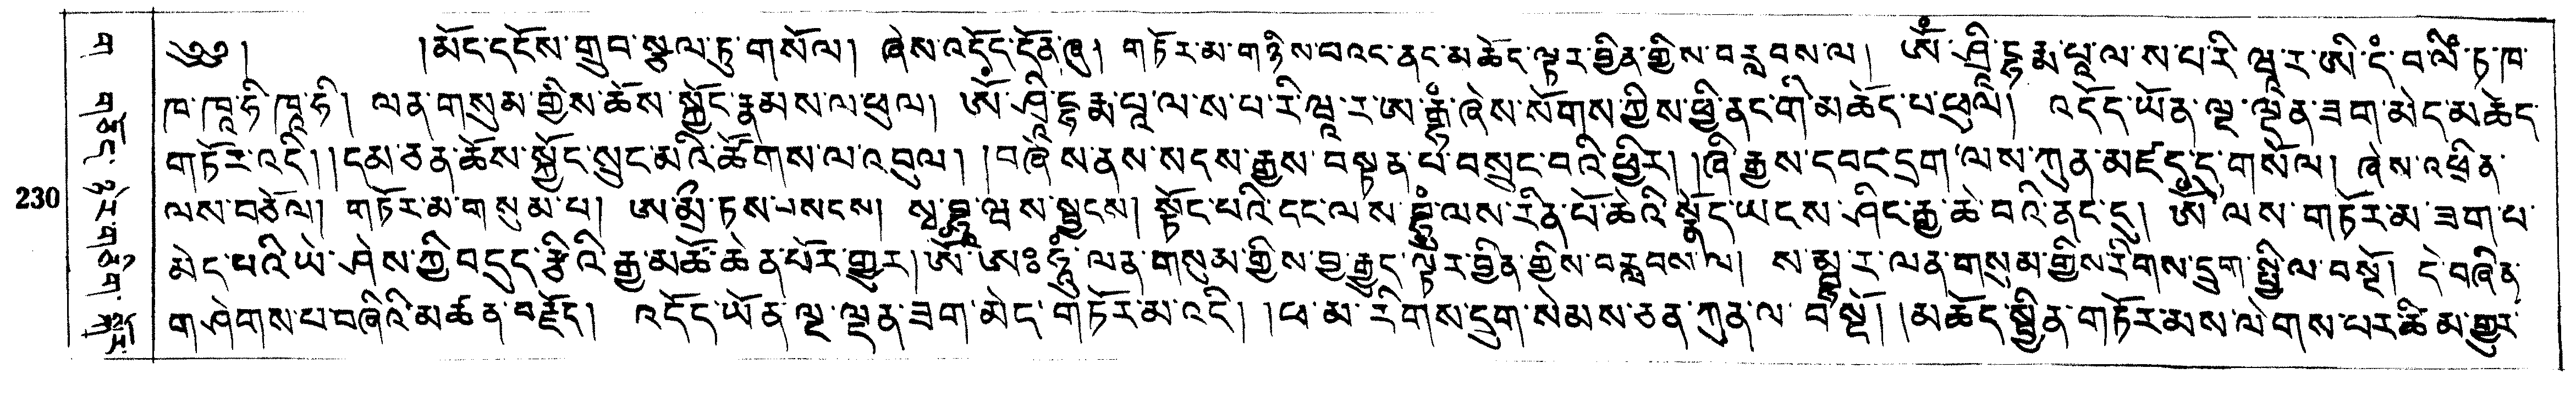༄༅། །མོང་དངོས་གྲུབ་སྩལ་ཏུ་གསོལ། ཞེས་འདོད་དོན་ཞུ། གཏོར་མ་གཉིས་པའང་ནང་མཆོད་ལྟར་བྱིན་གྱིས་བརླབས་ལ། ཨོཾ་ཤྲཱི་དྷརྨ་པཱ་ལ་ས་པ་རི་ཝཱ་ར་ཨི་དཾ་བ་ལིཾ་ཏ་ཁ་
ཁ་ཁཱ་ཧི་ཁཱ་ཧི། ལན་གསུམ་གྱིས་ཆོས་སྐྱོང་རྣམས་ལ་ཕུལ། ཨོཾ་ཤྲི་དྷརྨ་པཱ་ལ་ས་པ་རི་ཝཱ་ར་ཨ་རྒྷཾ་ཞེས་སོགས་ཀྱིས་ཕྱི་ནང་གི་མཆོད་པ་ཕུལ། འདོད་ཡོན་ལྔ་ལྡན་ཟག་མེད་མཆོད་
གཏོར་འདི། །དམ་ཅན་ཆོས་སྐྱོང་སྲུང་མའི་ཚོགས་ལ་འབུལ། །བཞེས་ནས་སངས་རྒྱས་བསྟན་པ་བསྲུང་བའི་ཕྱིར། །ཞི་རྒྱས་དབང་དྲག་ལས་ཀུན་མཛད་དུ་གསོལ། ཞེས་འཕྲིན་
ལས་བཅོལ། གཏོར་མ་གསུམ་པ། ཨ་མྲྀ་ཏས་བསངས། སྭ་བྷཱ་ཝས་སྦྱངས། སྟོང་པའི་ངང་ལས་བྷྲུཾ་ལས་རིན་པོ་ཆེའི་སྣོད་ཡངས་ཤིང་རྒྱ་ཆེ་བའི་ནང་དུ། ཨོཾ་ལས་གཏོར་མ་ཟག་པ་
མེད་པའི་ཡེ་ཤེས་ཀྱི་བདུད་རྩིའི་རྒྱ་མཚོ་ཆེན་པོར་གྱུར། ཨོཾ་ཨཿ ཧཱུཾ་ལན་གསུམ་གྱིས་བྱ་རྒྱུད་ལྟར་བྱིན་གྱིས་བྱ་རྒྱུད་ལྟར་བྱིན་གྱིས་བརླབས་ལ། སམ་བྷ་ར་ལན་གསུམ་གྱིས་རིགས་དྲུག་སྤྱི་ལ་བསྔོ། དེ་བཞིན་
གཤེགས་པ་བཞིའི་མཚན་བརྗོད། འདོད་ཡོན་ལྔ་ལྡན་ཟག་མེད་གཏོར་མ་འདི། །ཕ་མ་རིགས་དྲུག་སེམས་ཅན་ཀུན་ལ་བསྔོ། །མཆོད་སྦྱིན་གཏོར་མས་ལེགས་པར་ཚིམ་གྱུར་